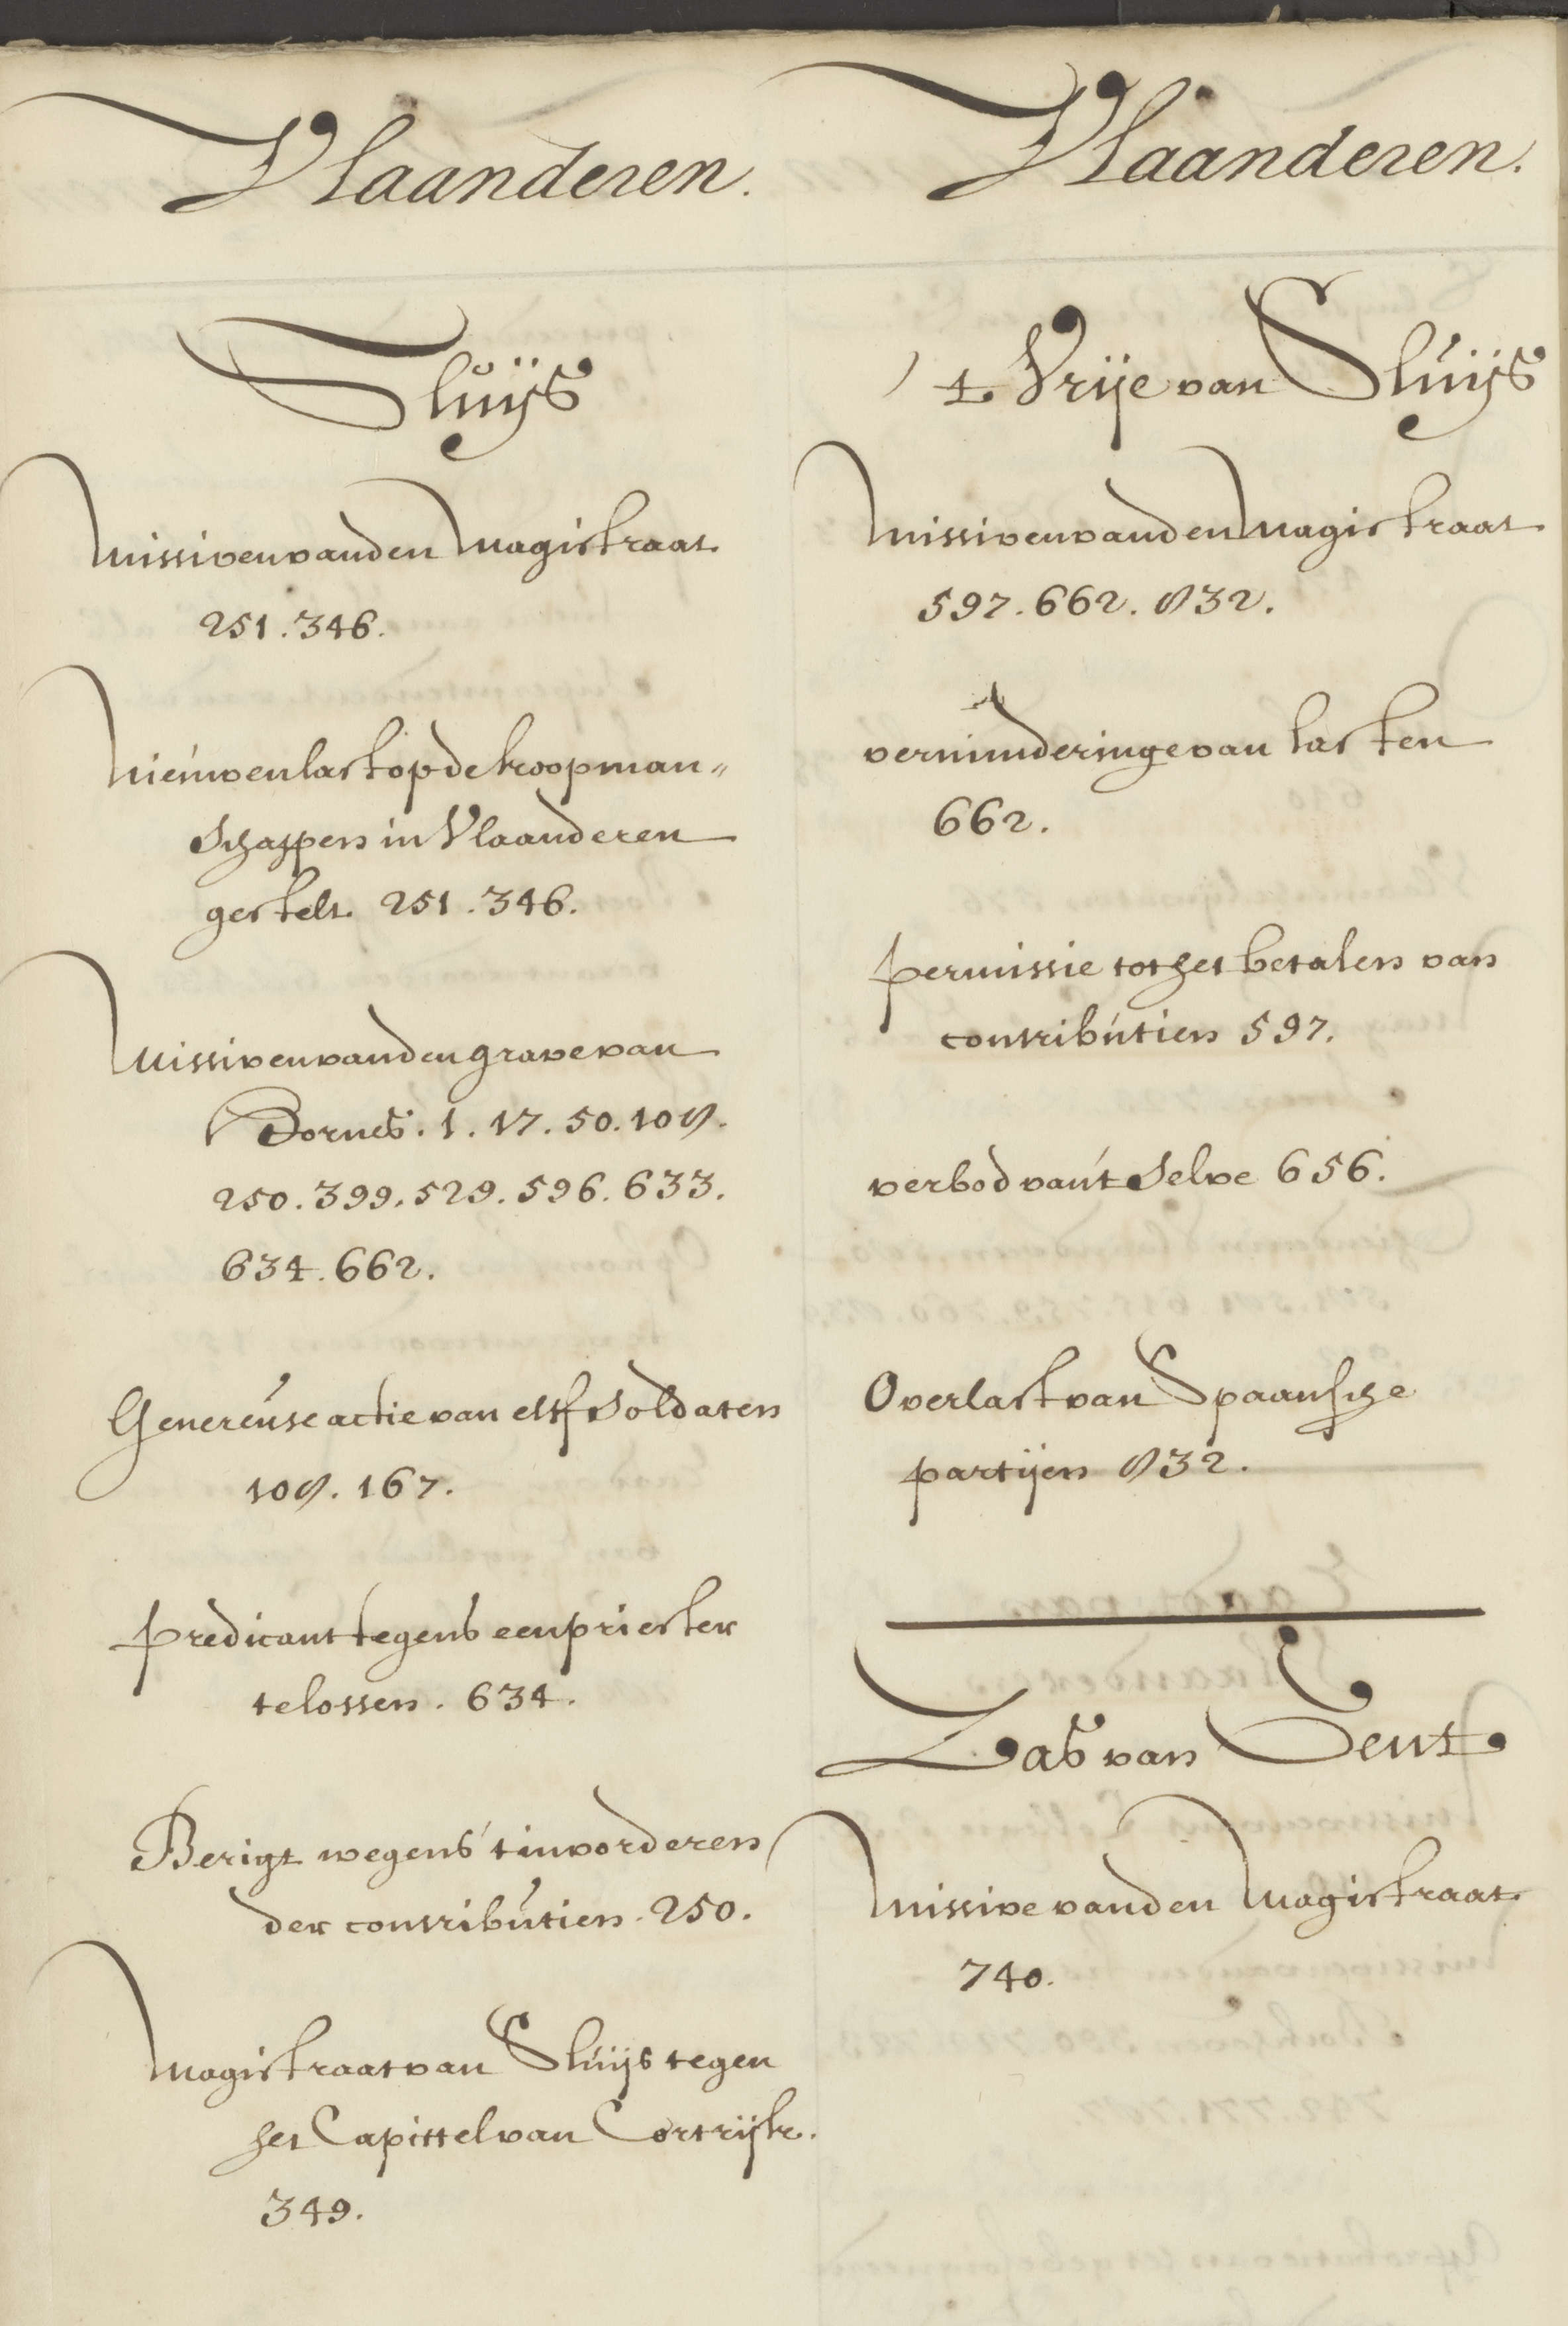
Vlaanderen.
Sluijs
missiven vanden Magistraat
251. 346.
Nieuwen last op de koopman,,
schappen in Vlaanderen
gestelt 251. 346.
missiven vanden grave van
Hornes, 1, 17, 50, 108,
250, 399, 529, 596, 633,
634, 662.
Genereuse actie van elff Soldaten
108, 167.
Predicant tegens een priester
te lossen. 634.
Berigt wegens 'tinvorderen
der contributien, 250.
Magistraat van Sluijs tegen
het Capittel van Cortrijk.
349.
Vlaanderen.
t Vrije van Sluijs
missiven vanden Magistraat
597, 662, 832.
verminderinge van lasten
662.
permissie tot het betalen van
contributien 597.
verbod van't selve 656.
Overlast van Spaansche
partijen 832.
Zas van Gent
missive vanden magistraat
740.
